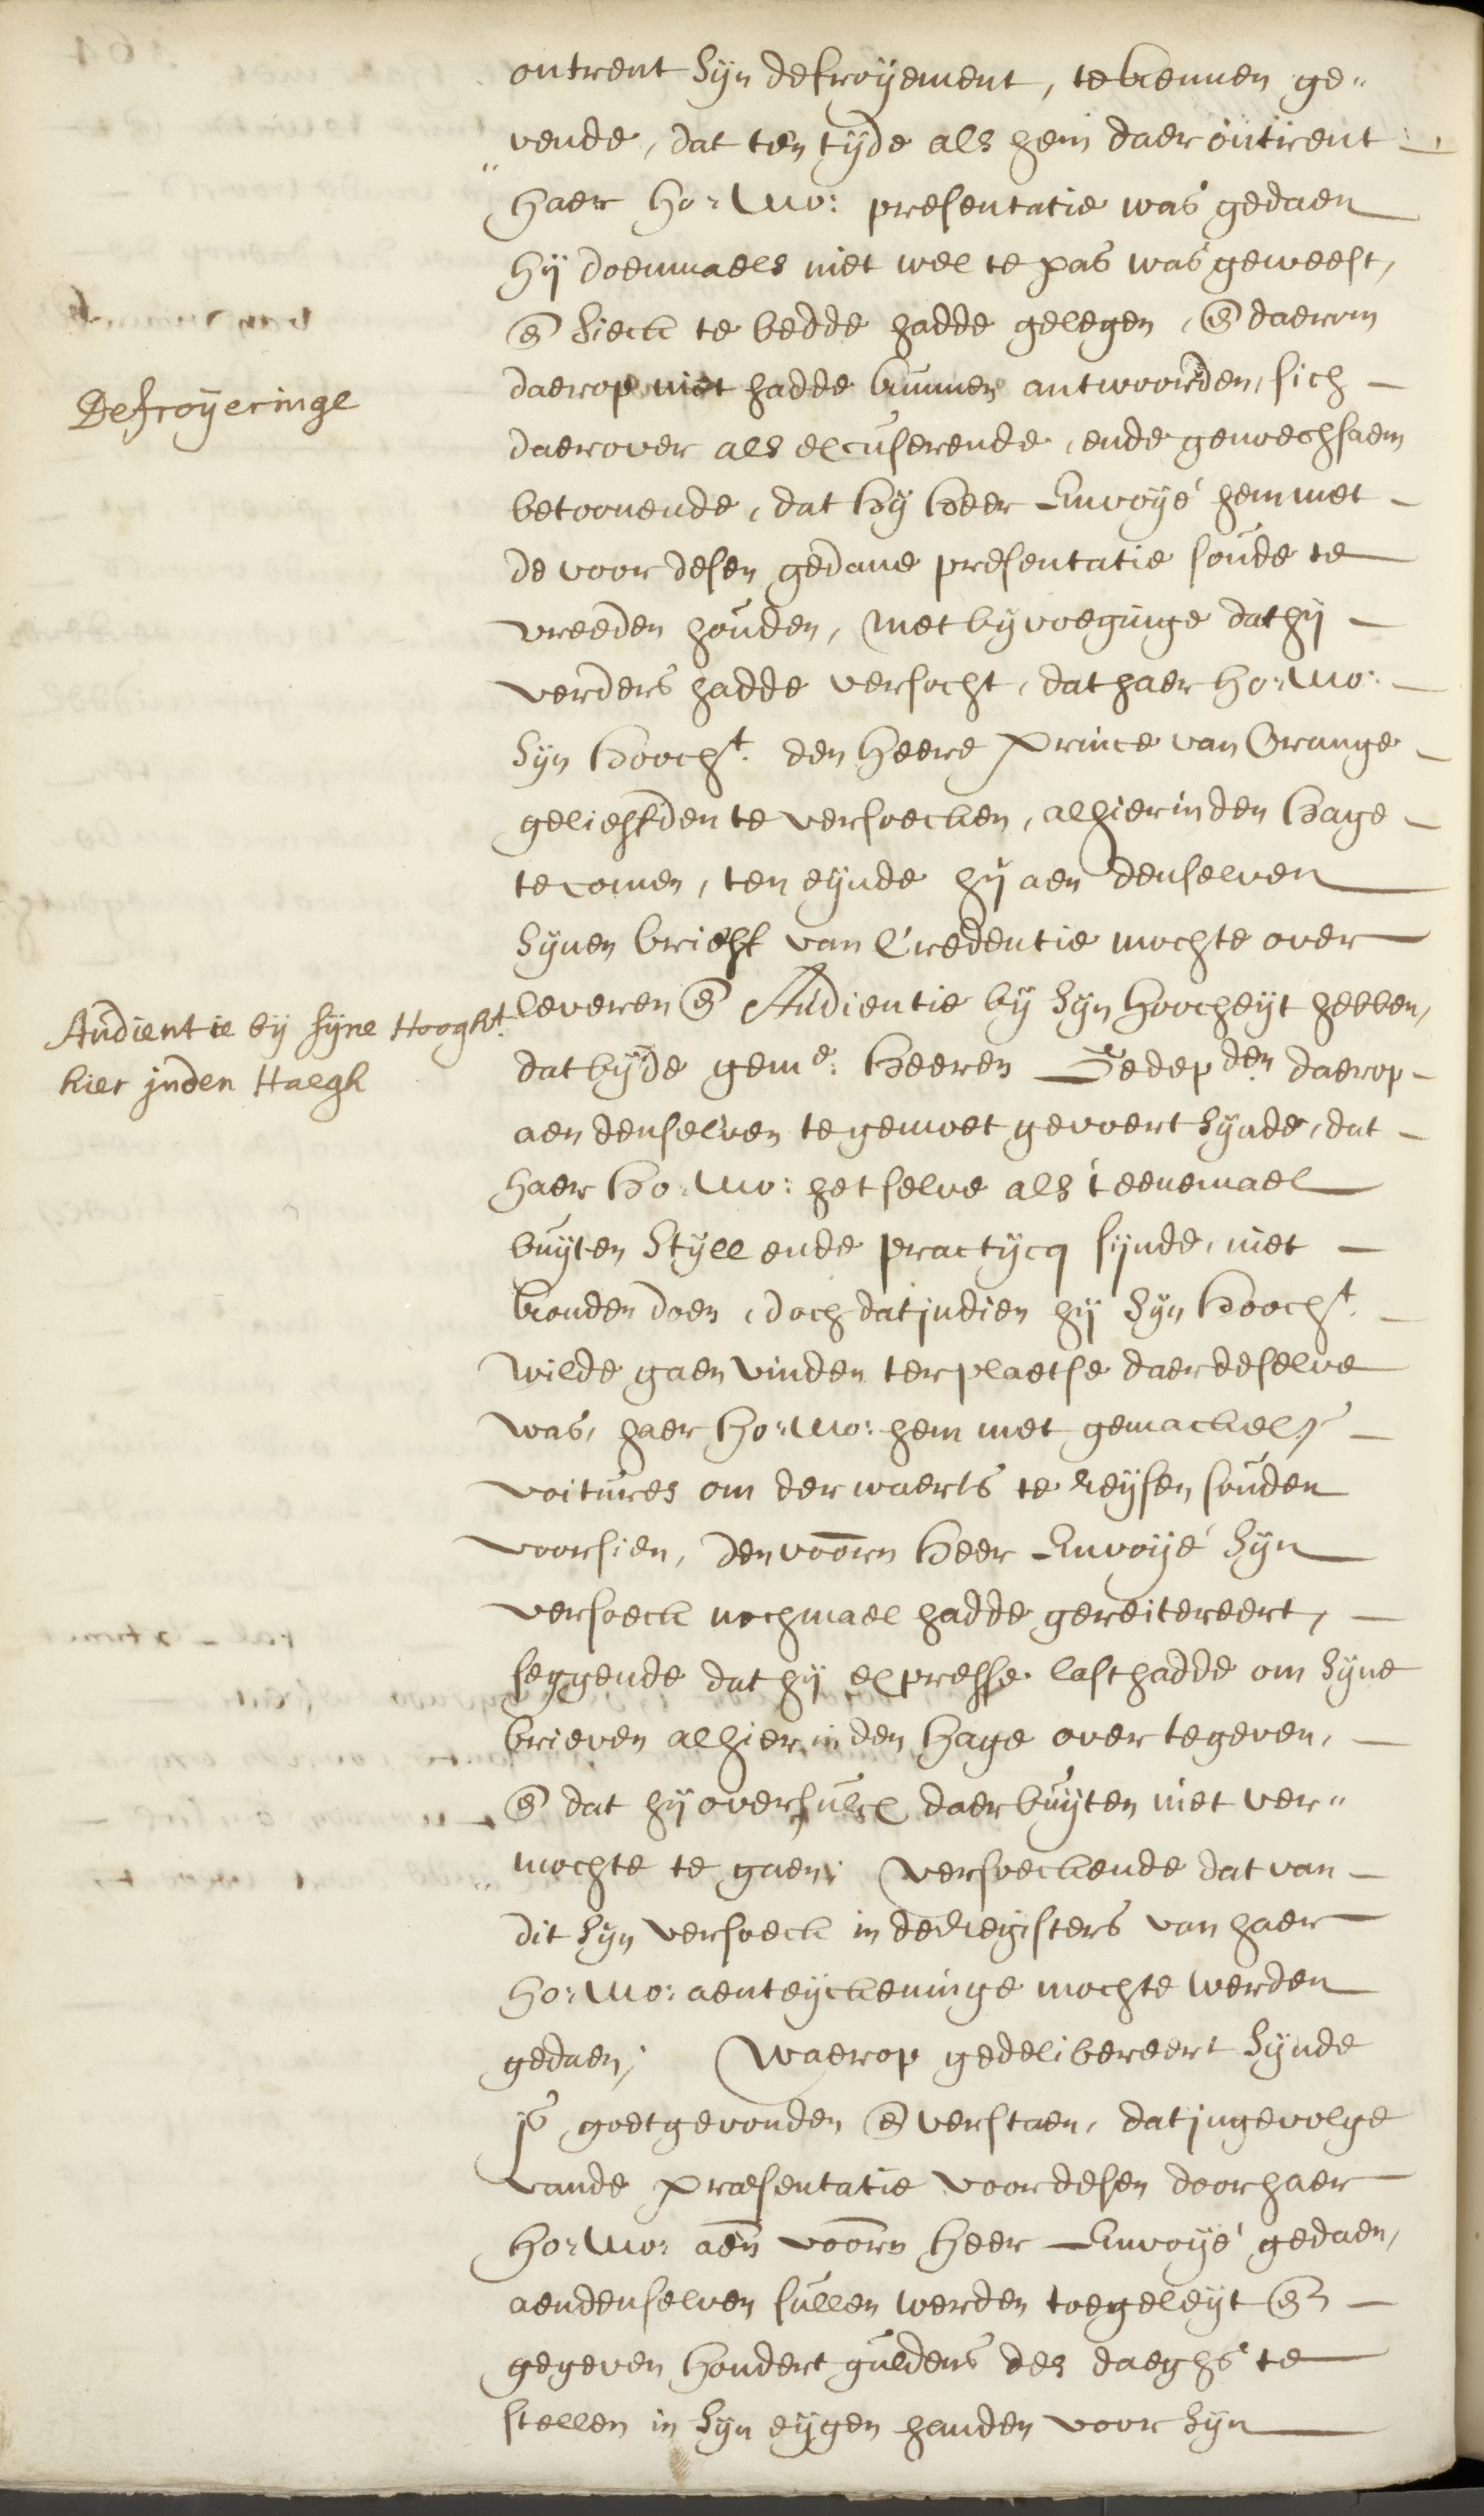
Defroijeringe
Audientie bij sijne Hooght.
hier inden Haegh
ontrent sijn defroijement, te kennen ge„
vende, dat ten tijde als hem daer ontrent
haer ho:Mo: presentatie was gedaen
hij doenmaels niet wel te pas was geweest,
& Sieck te bedde hadde gelegen, & daerom
daerop niet hadde kunnen antwoorden, sich
daerover als excuserende, ende genoechsaem
betoonende, dat hij heer Envoijé hem met
de voor desen gedane presentatie soude te
vreeden houden, met bijvoeginge dat hij
verders hadde versocht, dat haer ho:mo:
sijn hoocht. den heere Prince van Orange
gelieffden te versoecken, alhier in den Hage
te comen, ten eijnde hij aen denselven
sijnen brieff van Credentie mochte over
leveren & Audientie bij sijn hoocheijt hebben.
dat bijde geme: heeren Gedepden daerop -
aen denselven te gemoet gevoert sijnde, dat
haer ho:mo: het selve als t' eenemael
buijten stijll ende practijcq sijnde, niet
konden doen, doch dat indien hij sijn hoocht
wilde gaen vinden ter plaetse daerdeselve
was, haer ho:mo: hem met gemackel
voitures om derwaerts te reijsen souden
voorsien, den voorn heer Envoijé sijn
versoeck nochmael hadde gereitereert,
seggende dat hij expresse lasthadde om sijne
brieven alhier inden hage over te geven,
& dat hij oversulcx daerbuijten niet ver„
mochte te gaen, versoeckende dat van
dit sijn versoeck in de registers van haer
ho:mo: aenteijckeninge mochte werden
gedaen; Waerop gedelibereert sijnde
is goetgevonden & verstaen, dat ingevolge
vande præsentatie voordesen door haer
ho:mo: aen voorn heer Envoijé gedaen,
aen denselven sullen werden toegeleijt &
gegeven hondert guldens des daeghs te
stellen in sijn eijgen handen voor sijn
